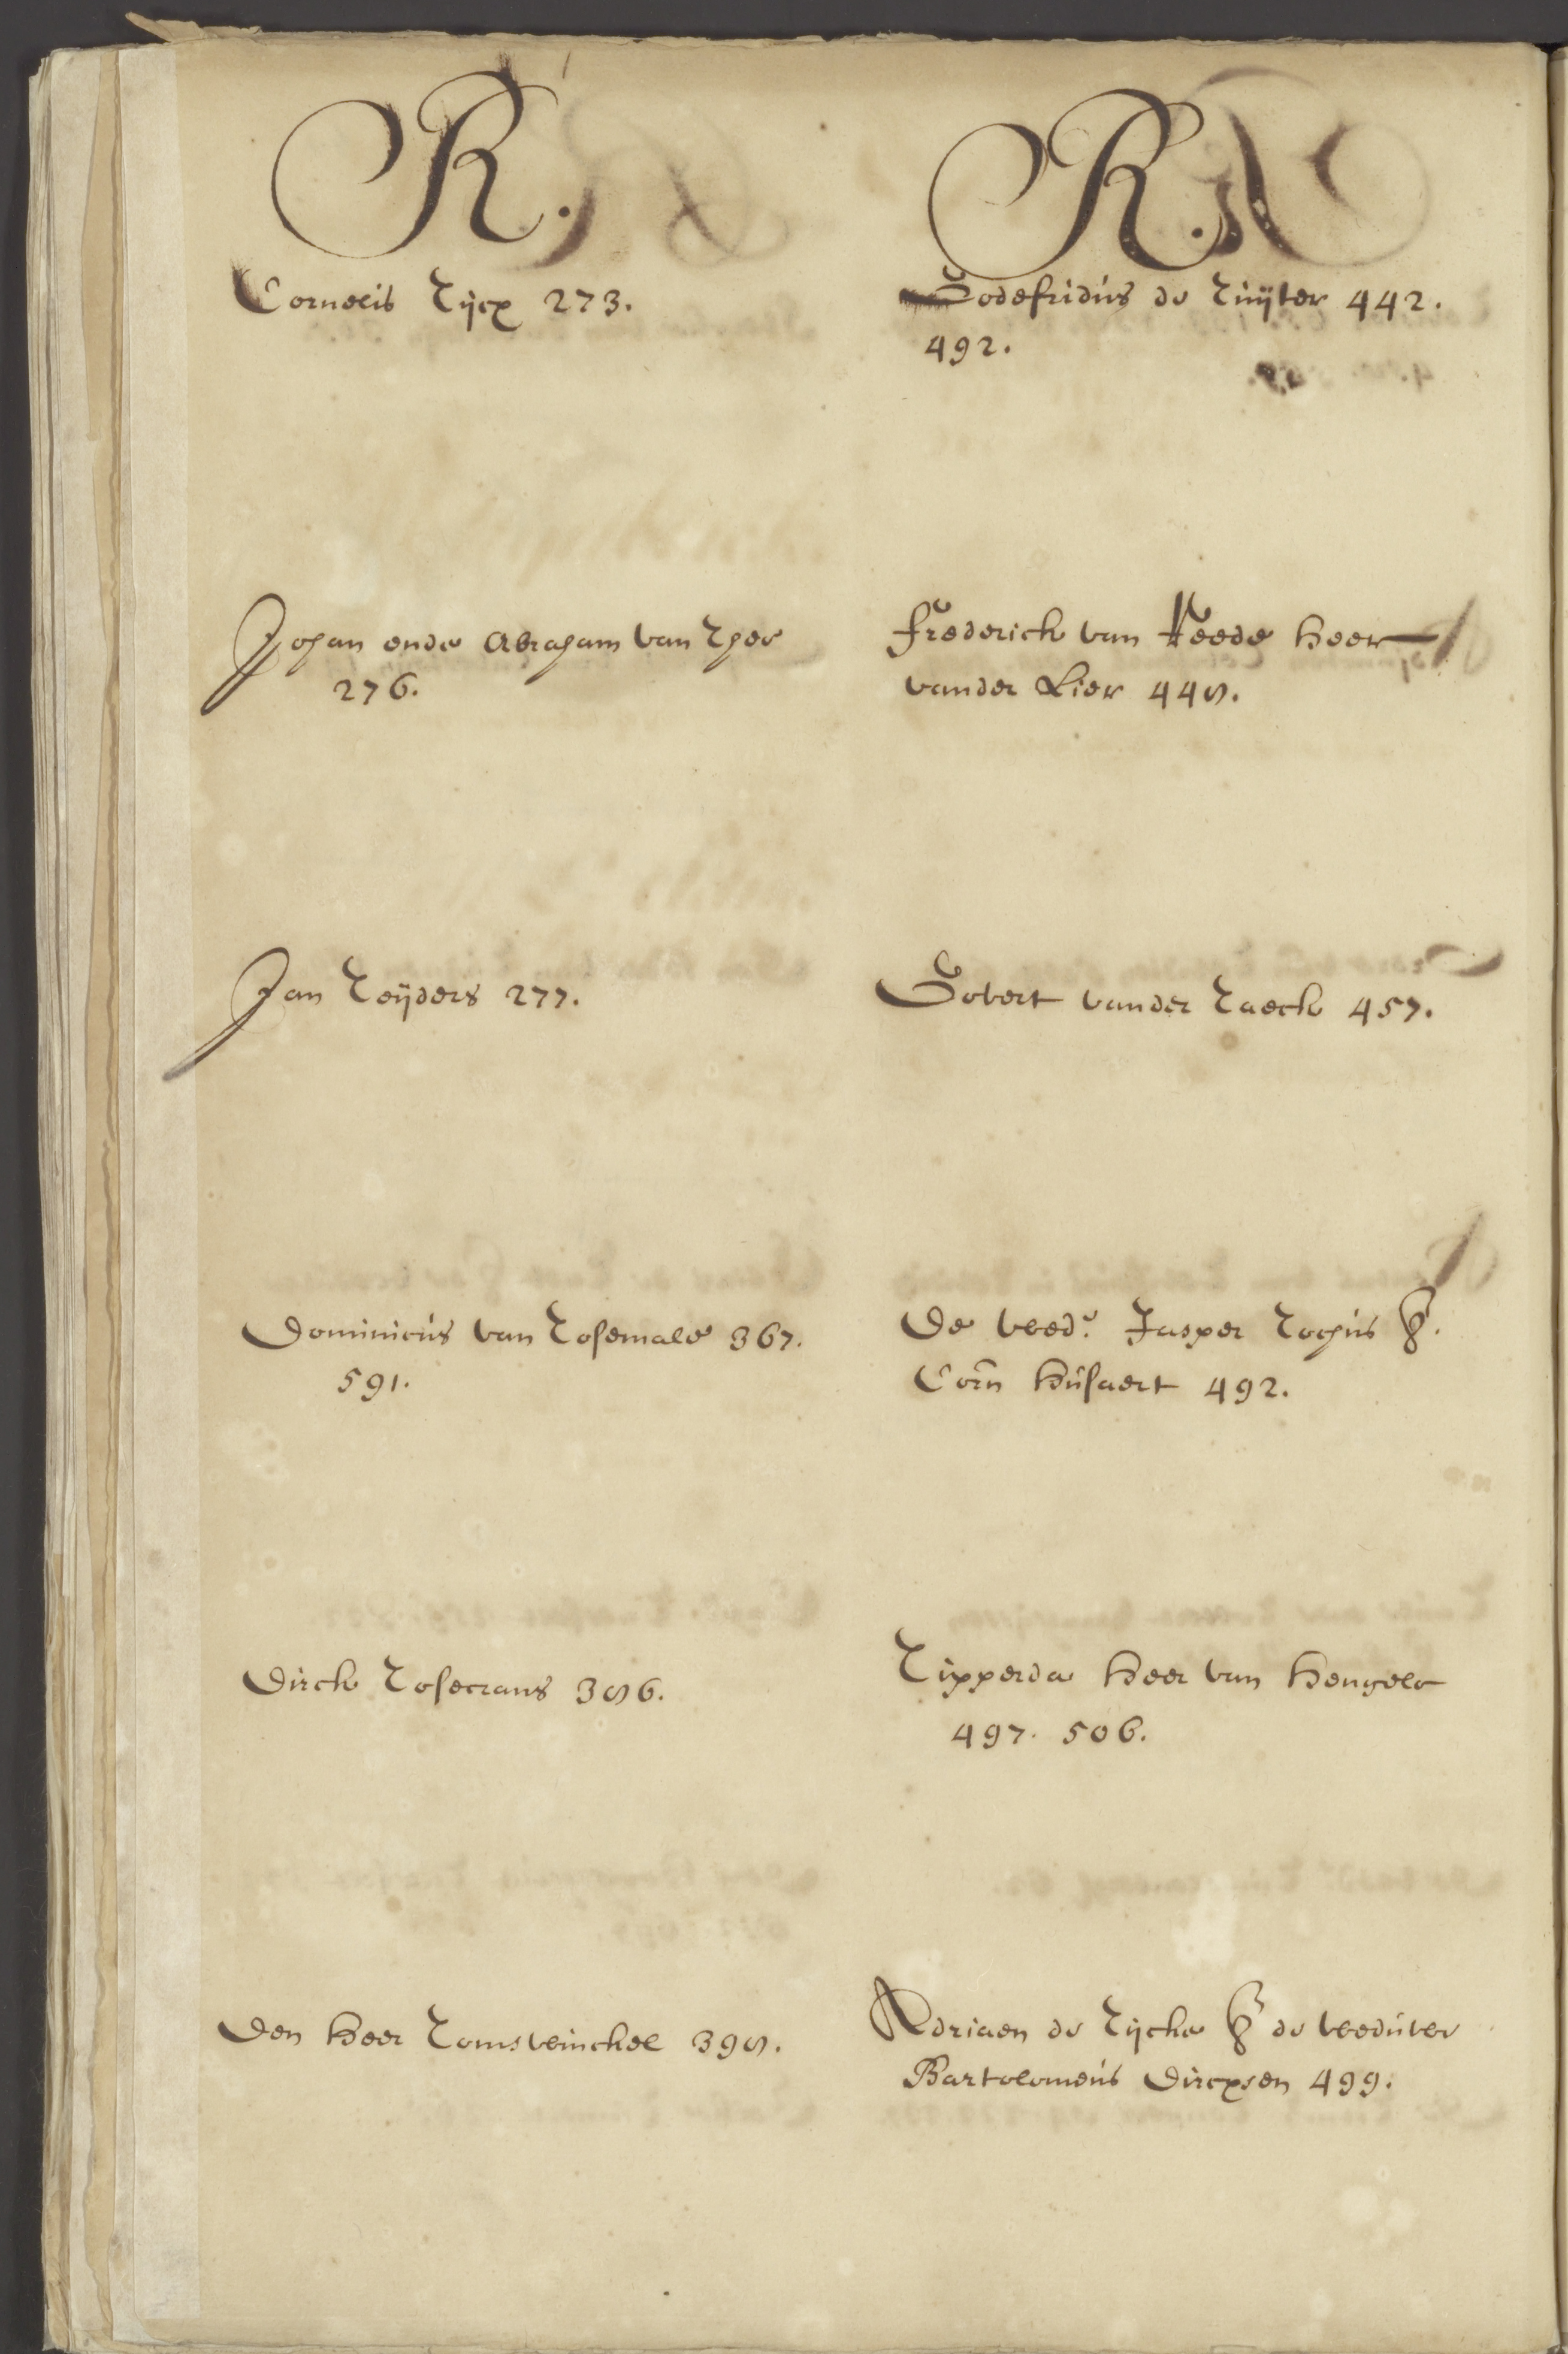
R.
Cornelis Rijcx 273.
Johan ende Abraham van Rhee
276.
Jan Reijders 277.
Dominicus van Rosemale 367.
591.
Dirck Rosecrans 386.
Den heer Romswinckel 398.
R.
Godefridus de Ruijter 442.
492.
Frederick van Reede heer
vander Lier 448.
Govert vander Raeck 457.
De wede. Jasper Rogus ca.
Corn Husaert 492.
Ripperda heer van Hengelo
497, 506.
Adriaen de Rijcke ca. de weduwe
Bartolomeus Dircxsen 499.
